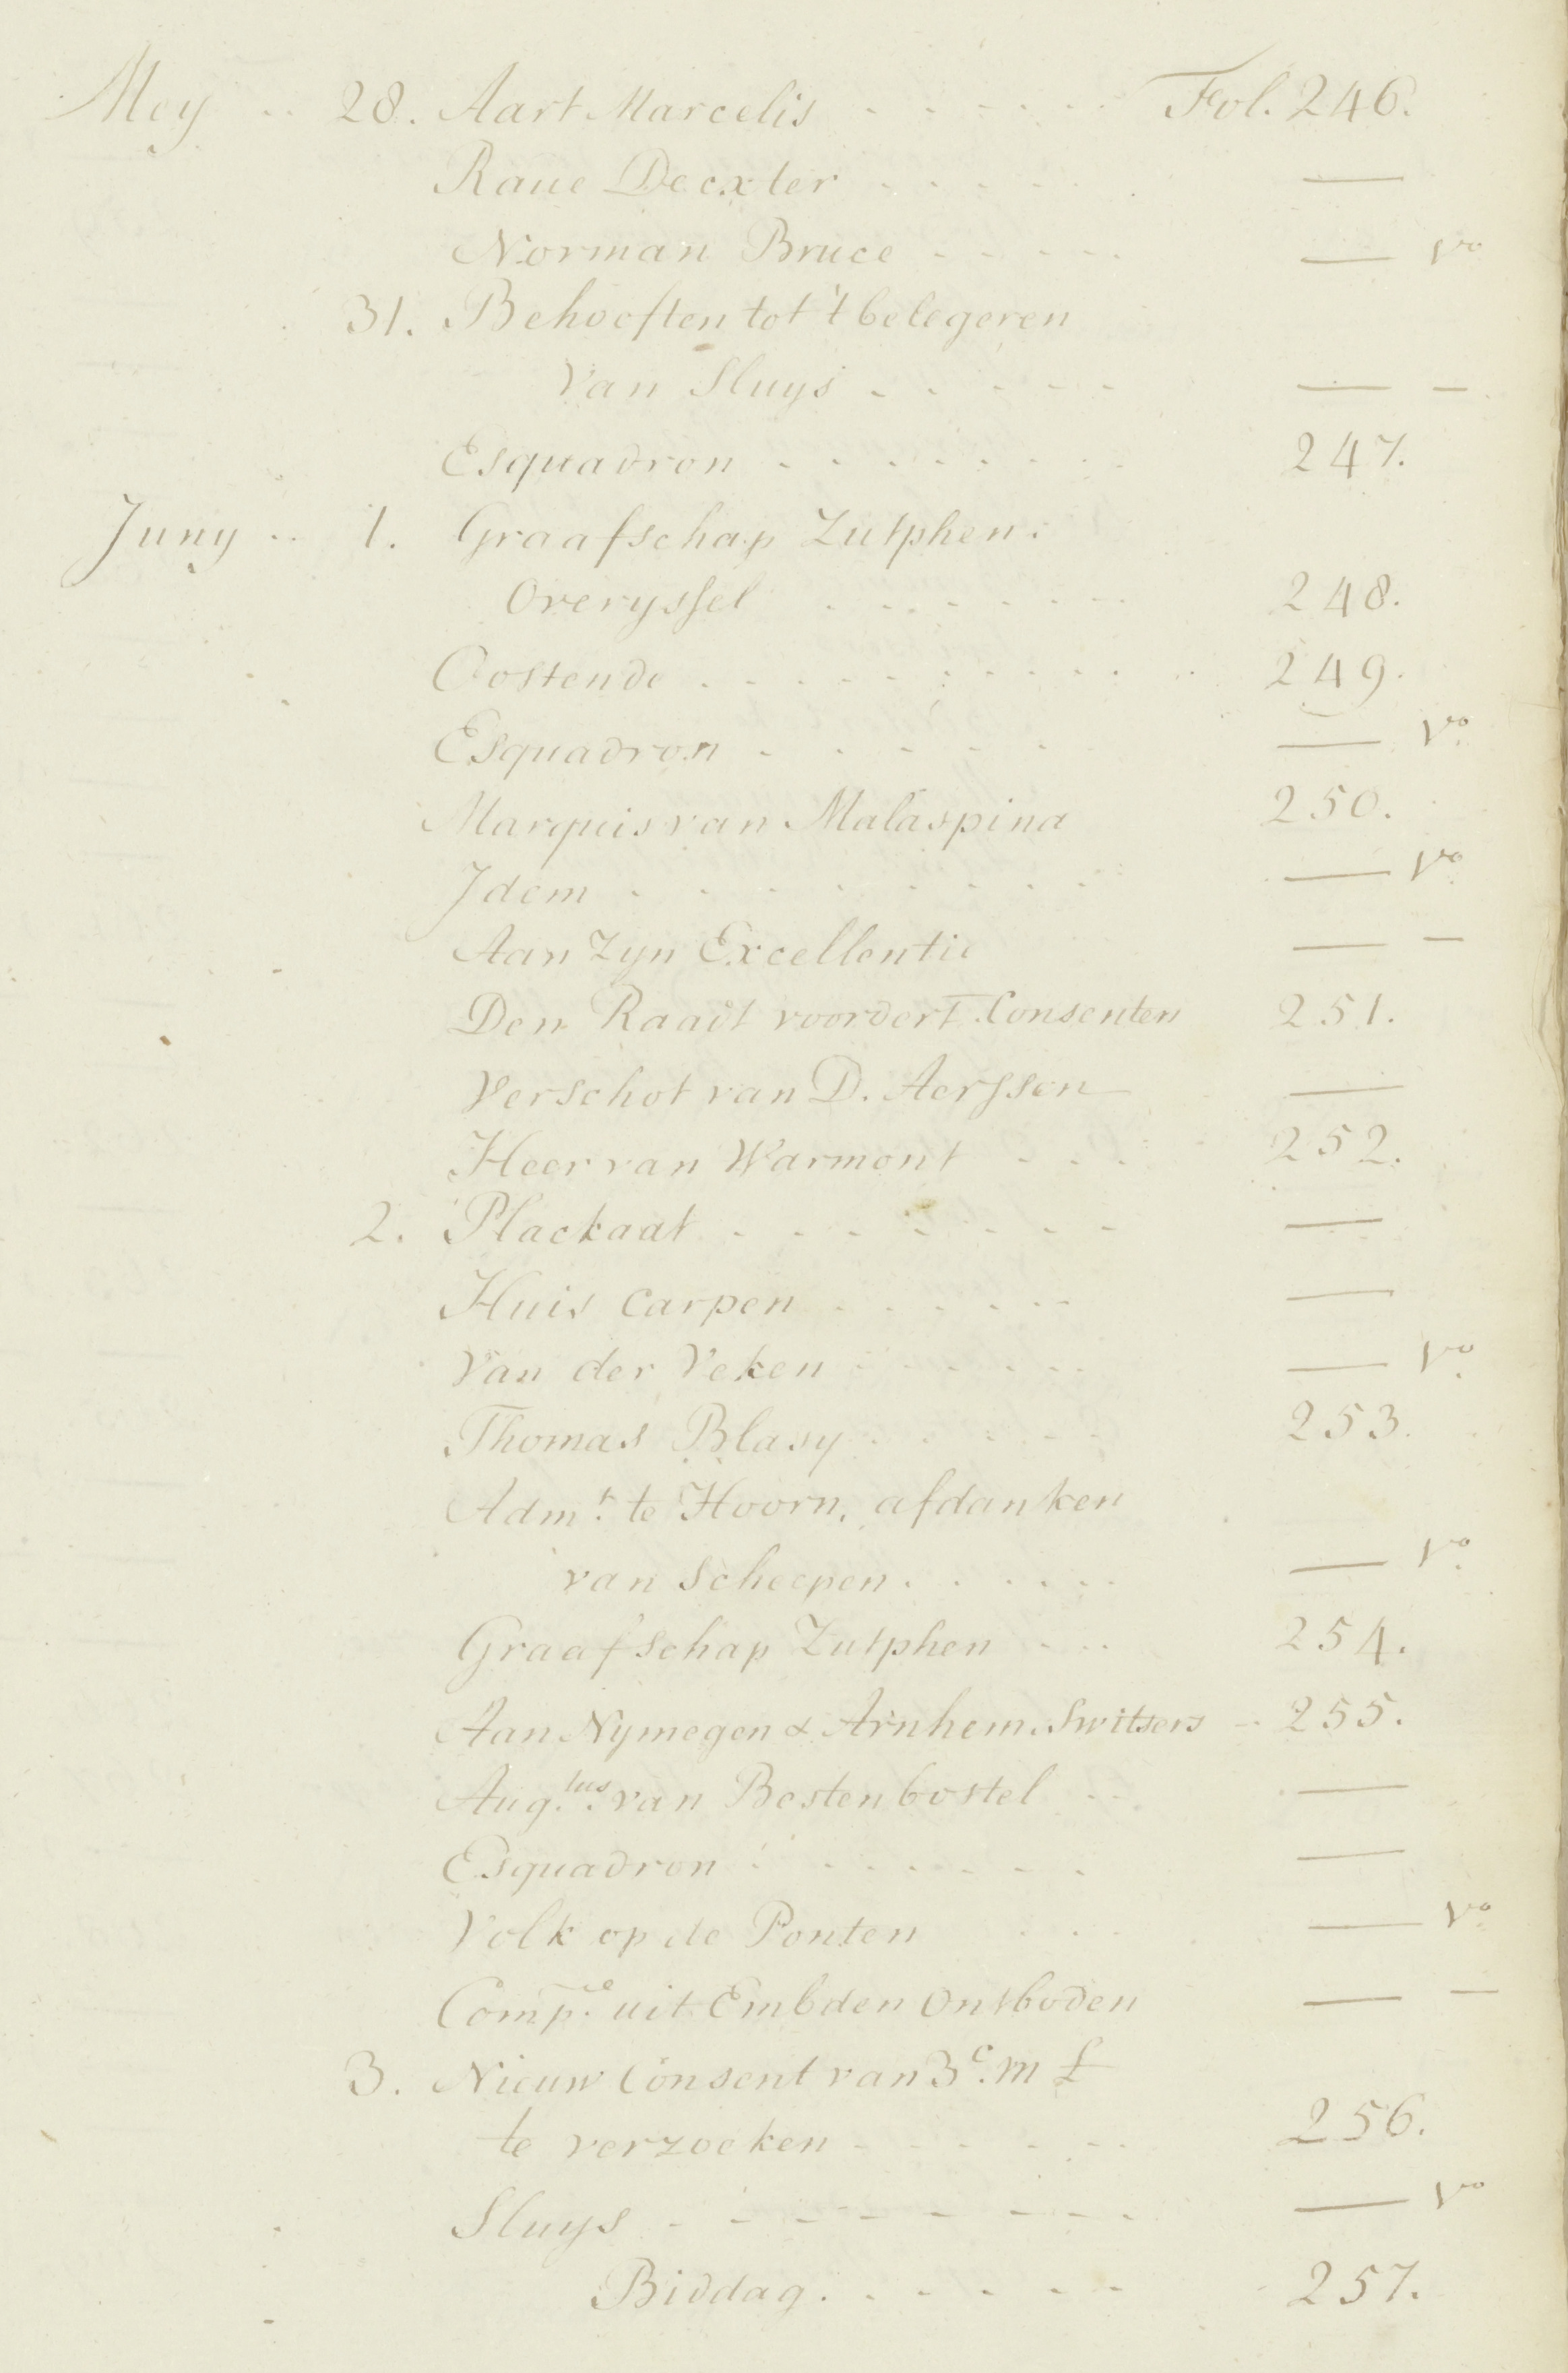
Mey. . 28. Aart Marcelis...... Fol. 246.
Raue Decxter.... —
Norman Bruce..... — Vo.
31. Behoeften tot ‛t belegeren
Van Sluys..... — -
Esquadron....... 247.
Juny.. 1. Graafschap Zutphen.
Overyssel........248.
Oostende..........249.
Esquadron.....— Vo.
Marquis van Malaspina 250.
Idem........— Vo.
Aan Zyn Excellentie — -
Den Raadt voordert Consenten 251.
Verschot van D. Aerssen —
Heer van Warmont... 252.
2. Plackaat.......—
Huis Carpen ......—
Van der Veken......— Vo.
Thomas Blasy.....253.
Admt. te Hoorn, afdanken
van Scheepen......Vo.
Graafschap Zutphen...254.
Aan Nymegen & Arnhem Switsers..255.
Augtus van Bestenbestel..—
Esquadron......—
Volk op de Ponten...— Vo.
Compe uit Embden ontboden — -
3. Nieuw Consent van 3c. m lb
te verzoeken......256.
Sluys........— Vo.
Biddag......257.
